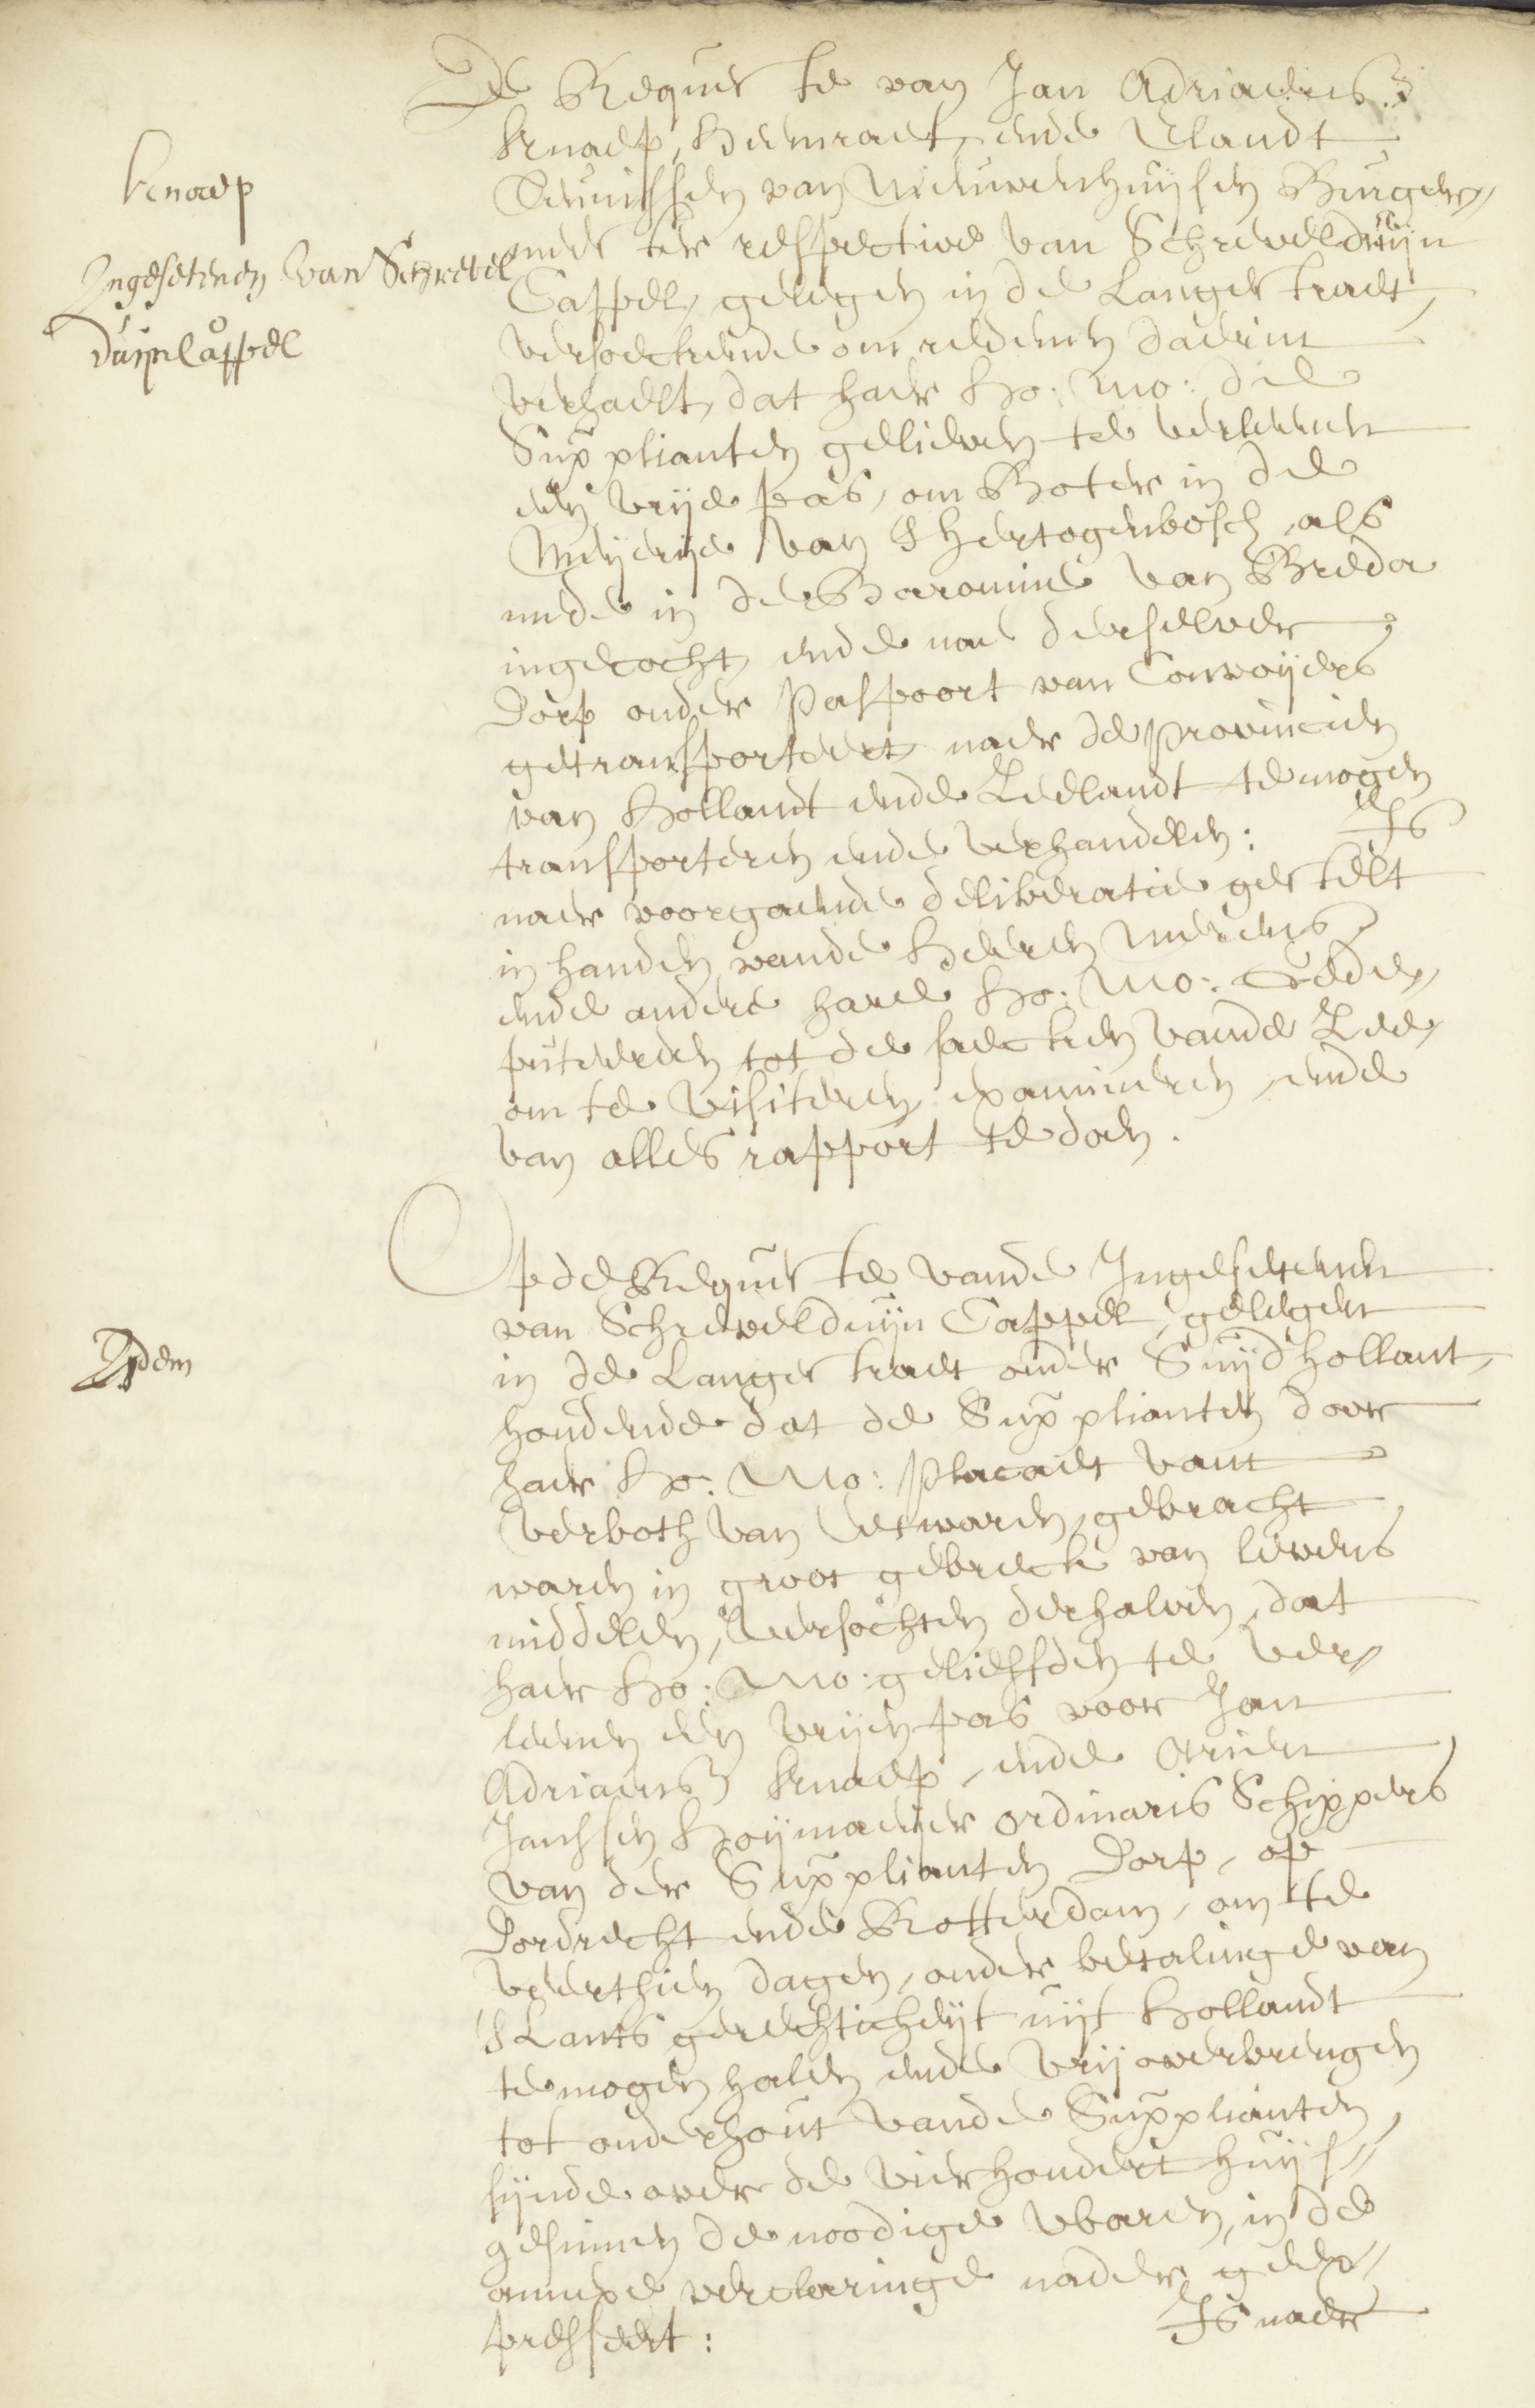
knaep
Ingesetenen van Schrevel
duijncappel
De Requeste van Jan Adriaens
Knaep, Heemraet, ende Elandt
Teunissen van Nieuwenhuijsen Burger,,
meester respective van Schrevelduijn
Cappel, gelegen in de Langestraet
versoeckende om redenen daerin
verhaelt, dat haer Ho:Mo: de
Supplianten gelieven te verleenen
een vrije pas, om Boter in de
Meijerije van 's hertogenbosch, als
mede in de Baronine van Breda
ingecocht, ende nae derselver
Dorp onder Paspoort van Convoijers
getransporteert, naer de provincien
van Hollandt ende Zeelandt te mogen
transporteren ende verhandelen: Is
naer voorgaende deliberatie gestelt
in handen vande Heeren Merens
ende andere hare Ho:Mo: Gede,,
puteerden tot de saecken vande Zee„
om te visiteren, examineren, ende
van alles rapport te doen.
Idem
Opde Requeste vande Ingesetenen
van Schrevelduijn Cappel, gelegen
in de Langestraet onder Suijd hollant,
houdende dat de Supplianten door
haer Ho:Mo: placaet vant
verboth van Eetwaren, gebracht
waren in groot gebreck van levens
middelen, versochten derhalven, dat
haer Ho:Mo: gelieffden te ver„
leenen een vrijen pas voor Jan
Adriaens Knaep, ende Arien
Janssen Hoijmaeijer ordinaris Schippers
van der Supplianten Dorp, op
Dordrecht ende Rotterdam, om te
veerthien dagen, onder betalinge van
's Lants gerechticheijt uijt Hollandt
te mogen halen ende vrij overbrengen
tot onderhout vande Supplianten
sijnde over de vierhondert huijs„
gesinnen de noodige waren, in de
annexe verclaringe nader geex„
presseert: Is naer
